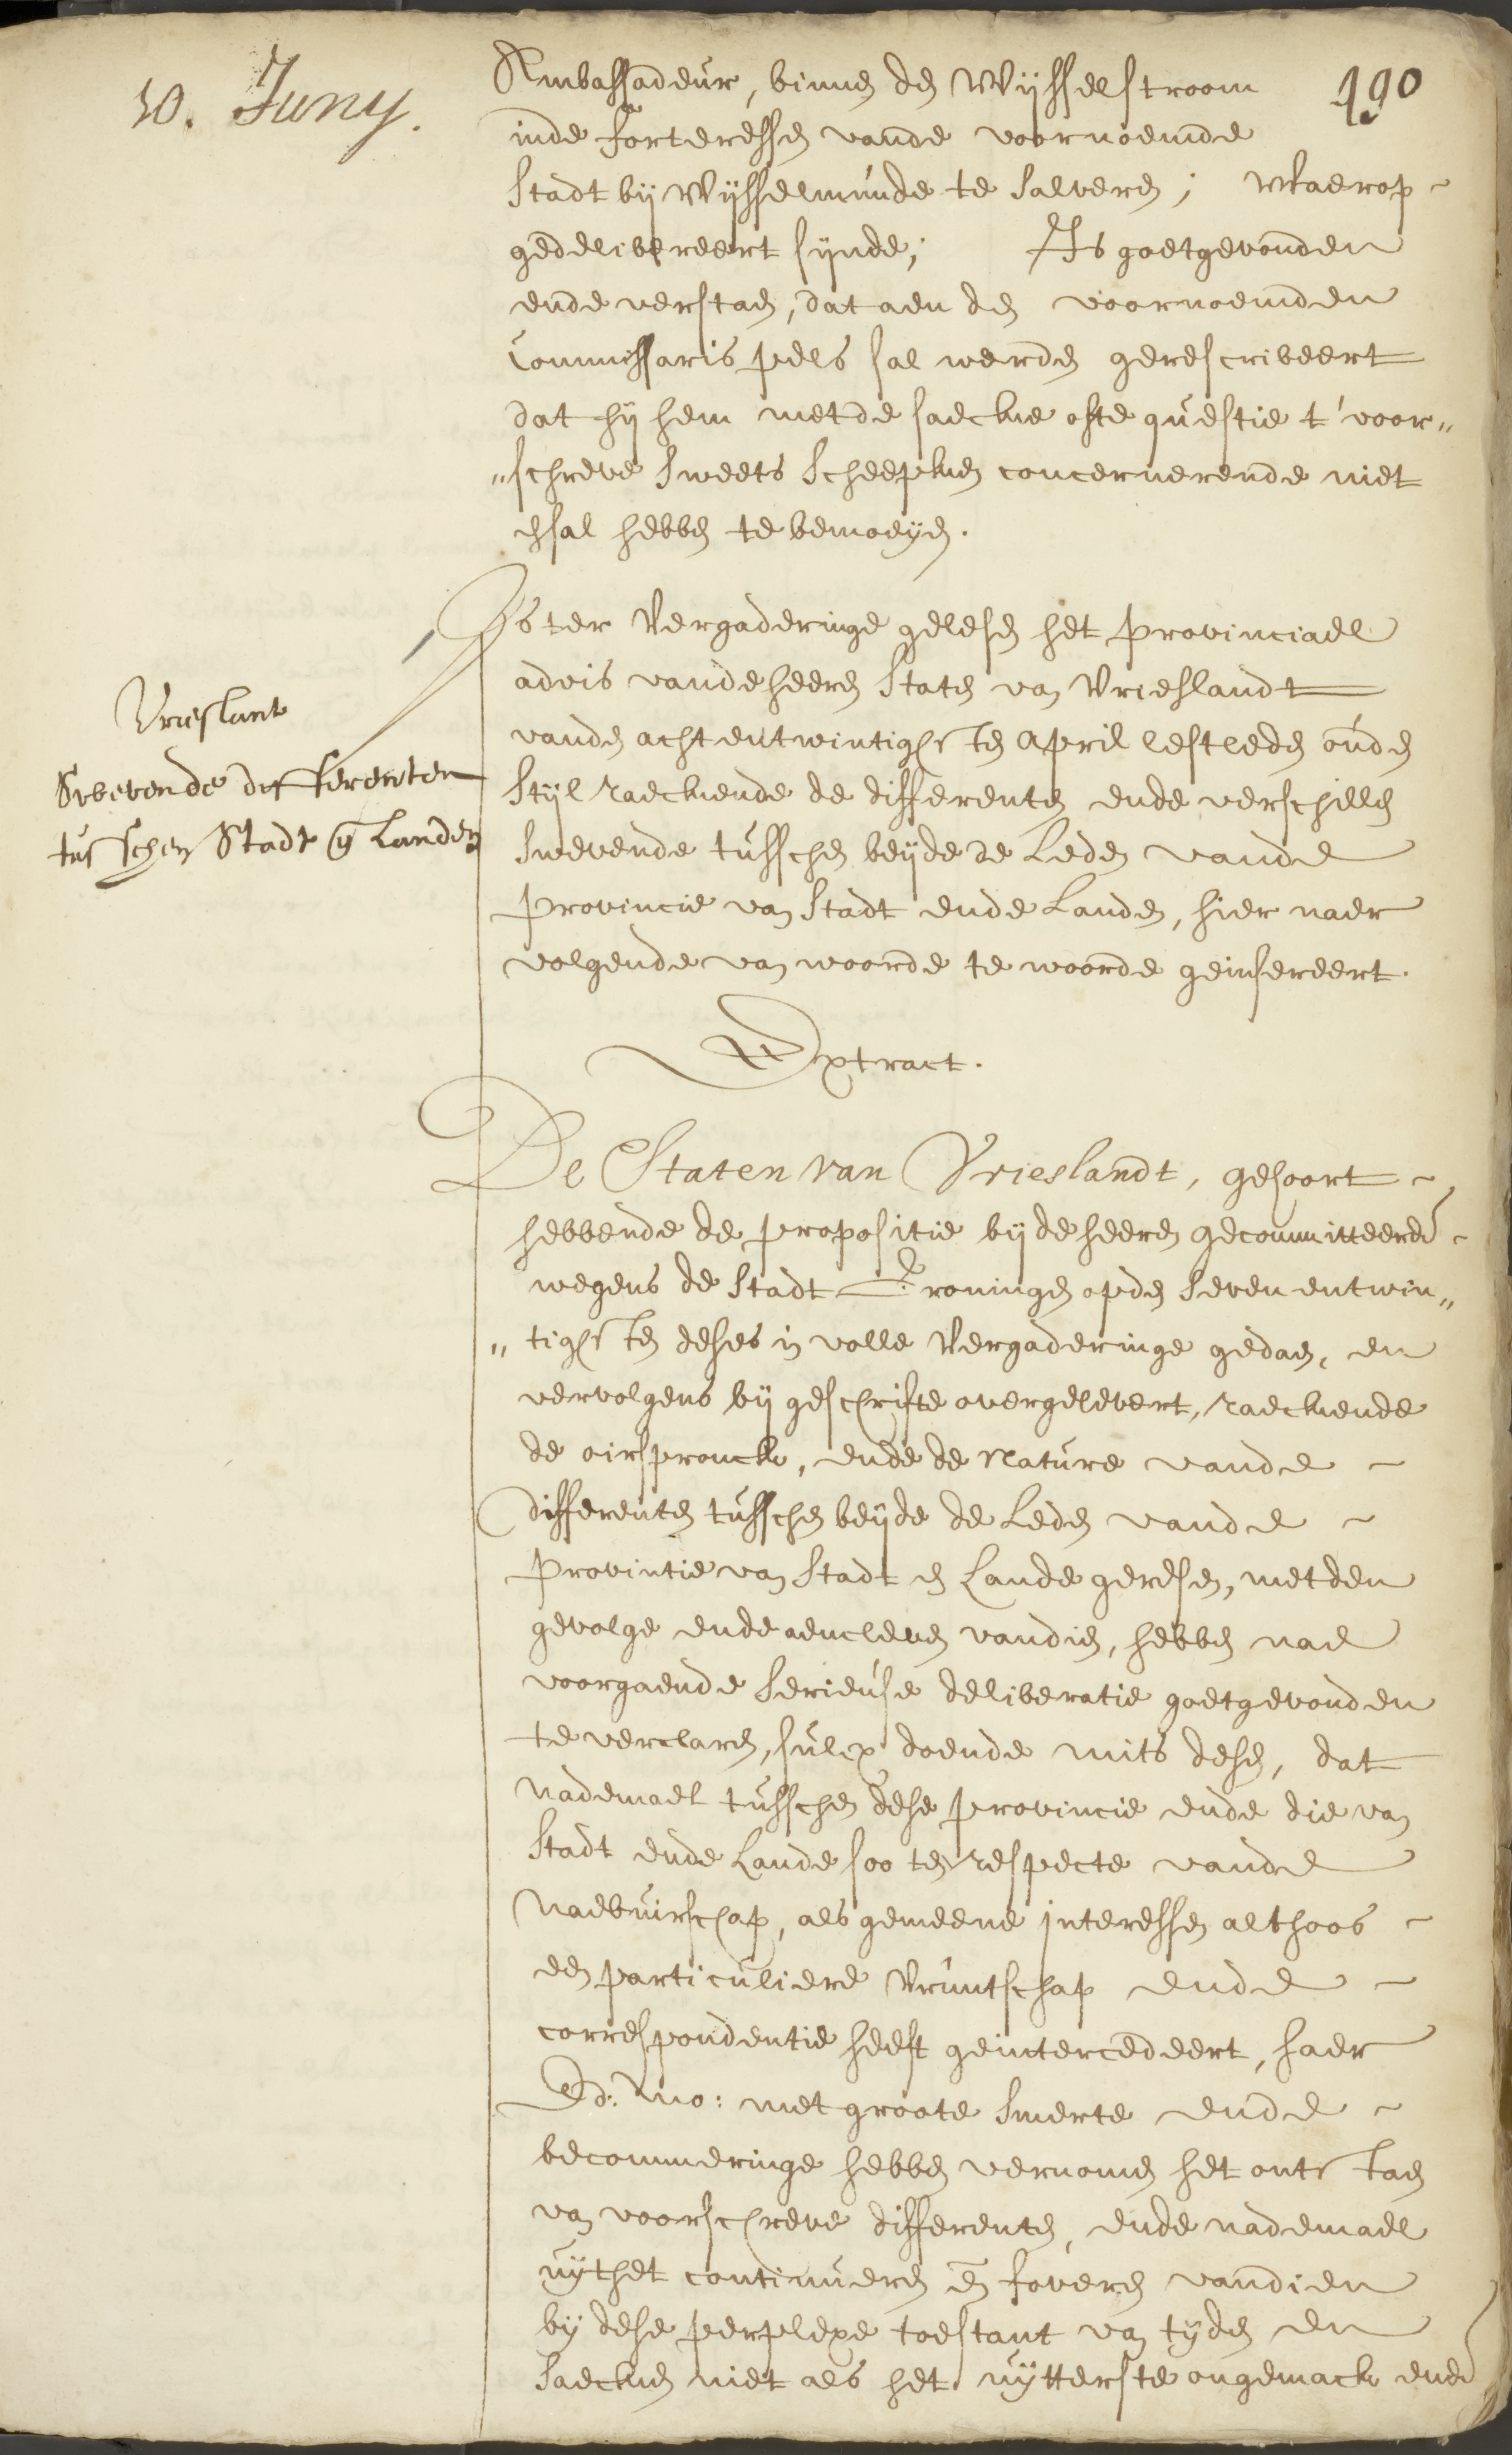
490
10. Juny.
Ambassadeur, binnen den Wijsselstroom
inde forteressen vande voornoemde
Stadt bij Wijsselmunde te Salveren; Waerop
gedelibereert sijnde; Is goetgevonden
ende verstaen, dat aen den voornoemden
Commissaris pels sal werden gerescribeert
dat hij hem met de saecke ofte questie t‛voor„
„schreve Sweets Scheepken concernerende niet
en sal hebben te bemoeijen.
Vrieslant
Swevende differenten
tusschen Stadt & Landen
Is ter Vergaderinge gelesen het Provinciael
advis vande heeren Staten van Vrieslandt
vanden achtentwintighsten april lestleden ouden
Stijl raeckende de differenten ende verschillen
Swevende tusschen beijde de Leden vande
Provincie van Stadt ende Landen, hier naer
volgende van woorde te woorde geinsereert.
Extract.
De Staten van Vrieslandt, gehoort
hebbende de propositie bij de heeren gecommitteerde
wegens de stadt Groningen opden sevenentwin„
„tighsten deses in volle Vergaderinge gedaen, en
vervolgens bij geschrifte overgelevert, raeckende
de oirspronck, ende de Nature vande
differenten tusschen beijde de Leden vande
Provintie van Stadt en Lande geresen, met den
gevolge ende aencleven vandien, hebben nae
voorgaende Serieuse deliberatie goetgevonden
te verclaren, sulcx doende mits desen, dat
nademael tusschen dese Provincie ende die van
Stadt ende Lande soo ten respecte vande
naebuirschap als gemeene interessen althoos
een particuliere Vruntschap ende
correspondentie heeft geintercedeert, haer
Ed:Mo: met groote smerte ende
becommeringe hebben vernomen het ontstaen
van voorschreve differenten, ende nademael
uijt het continueren en foveren vandien
bij dese perplexe toestant van tijden en
Saecken niet als het uijtterste ongemack ende
